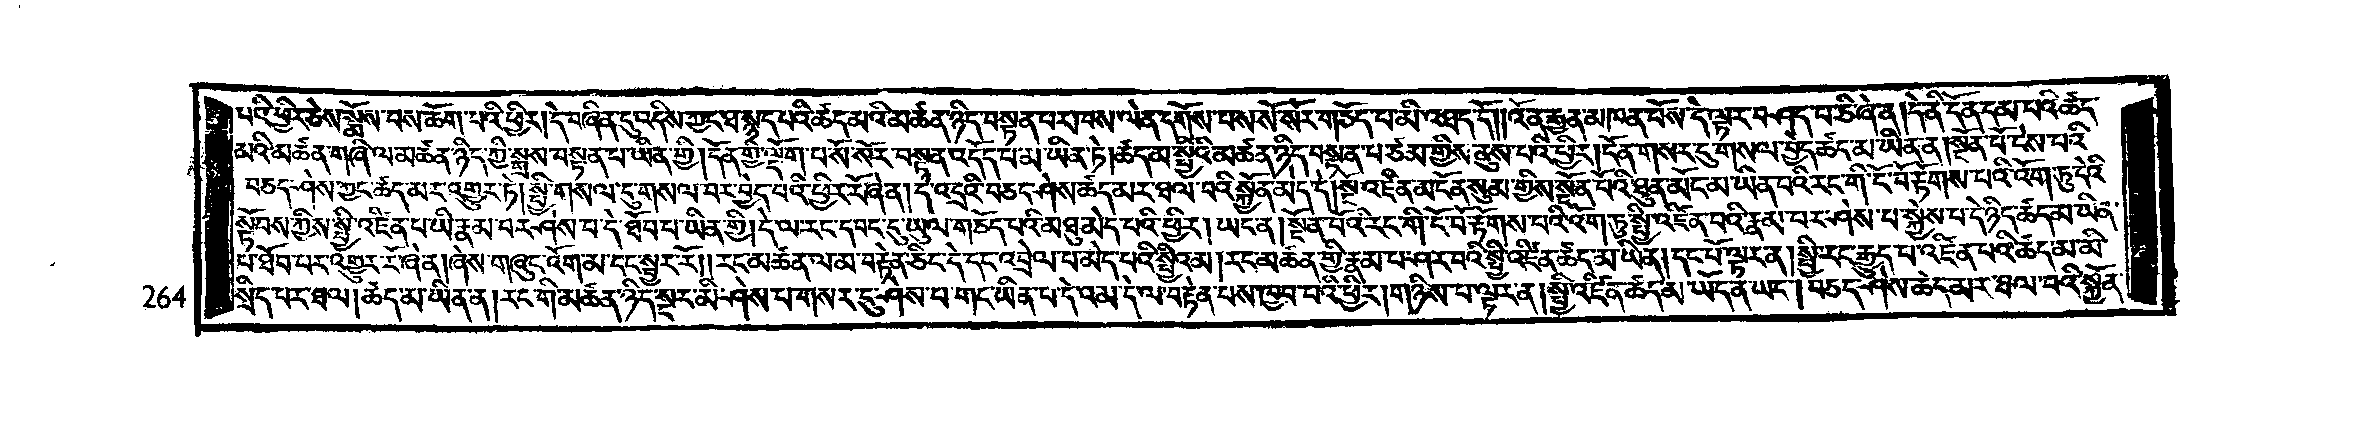པའི་ཕྱིར་ཅེས་སྨོས་བས་ཆོག་པའི་ཕྱིར། དེ་བཞིན་དུ་འདིས་ཀྱང་ཐ་སྙད་པའི་ཚད་མའི་མཚན་ཉིད་བསྟན་པར་ཁས་ལེན་དགོས་པས་སོ་སོར་གཅོད་པ་མི་འཐད་དོ། །འོ་ན་རྒྱན་མཁན་པོས་དེ་ལྟར་བཤད་པ་ཅི་ཞེ་ན། དེ་ནི་དོན་དམ་པའི་ཚད་
མའི་མཚན་གཞི་ལ་མཚན་ཉིད་ཀྱི་སྒྲས་བསྟན་པ་ཡིན་གྱི། དོན་གྱི་ལྡོག་པ་སོ་སོར་བསྟན་འདོད་པ་མ་ཡིན་ཏེ། ཚད་མ་སྤྱིའི་མཚན་ཉིད་བསྟན་པ་ཙམ་གྱིས་ནུས་པའི་ཕྱིར། དོན་གསར་དུ་གསལ་བྱེད་ཚད་མ་ཡིན་ན། སྔོན་པོ་ངེས་པའི་
བཅད་ཤེས་ཀྱང་ཚད་མར་འགྱུར་ཏེ། སྤྱི་གསལ་དུ་གསལ་བར་བྱེད་པའི་ཕྱིར་རོ་ཞེ་ན། དེ་འདྲའི་བཅད་ཤེས་ཚད་མར་ཐལ་བའི་སྐྱོན་མེད་དེ། སྔོ་འཛིན་མངོན་སུམ་གྱིས་སྔོན་པོའི་ཐུན་མོང་མ་ཡིན་པའི་རང་གི་ངོ་བོ་རྟོགས་པའི་འོག་ཏུ་དེའི་
སྟོབས་ཀྱིས་སྤྱི་འཛིན་པ་ཡི་རྣམ་པར་ཤེས་པ་དེ་ཐོབ་པ་ཡིན་གྱི། དེ་ལ་རང་དབང་དུ་ཡུལ་གཅོད་པའི་མཐུ་མེད་པའི་ཕྱིར། ཡང་ན། སྔོན་པོའི་རང་གི་ངོ་བོ་རྟོགས་པའི་འོག་ཏུ་སྤྱི་འཛིན་བའི་རྣམ་པར་ཤེས་པ་སྐྱེས་པ་དེ་ཉིད་ཚད་མ་ཡིན་
པ་ཐོབ་པར་འགྱུར་རོ་ཞེ་ན། ཞེས་གཞུང་འོག་མ་དང་སྦྱར་རོ། །རང་མཚན་ལ་མ་བརྟེན་ཅིང་དེ་དང་འབྲེལ་པ་མེད་པའི་སྤྱིའམ། རང་མཚན་གྱི་རྣམ་པ་ཤར་བའི་སྤྱི་འཛིན་ཚད་མ་ཡིན། དང་པོ་ལྟར་ན། སྤྱི་རང་རྒྱུད་པ་འཛིན་པའི་ཚད་མ་མི་
སྲིད་པར་ཐལ། ཚད་མ་ཡིན་ན། རང་གི་མཚན་ཉིད་སྔར་མི་ཤེས་པ་གསར་དུ་ཤེས་པ་གང་ཡིན་པ་དེ་འམ་དེ་ལ་བརྟེན་པས་ཁྱབ་པའི་ཕྱིར། གཉིས་པ་ལྟར་ན། སྤྱི་འཛིན་ཚད་མ་ཡོད་ན་ཡང་། བཅད་ཤེས་ཆེད་མར་ཐལ་བའི་སྐྱོན་